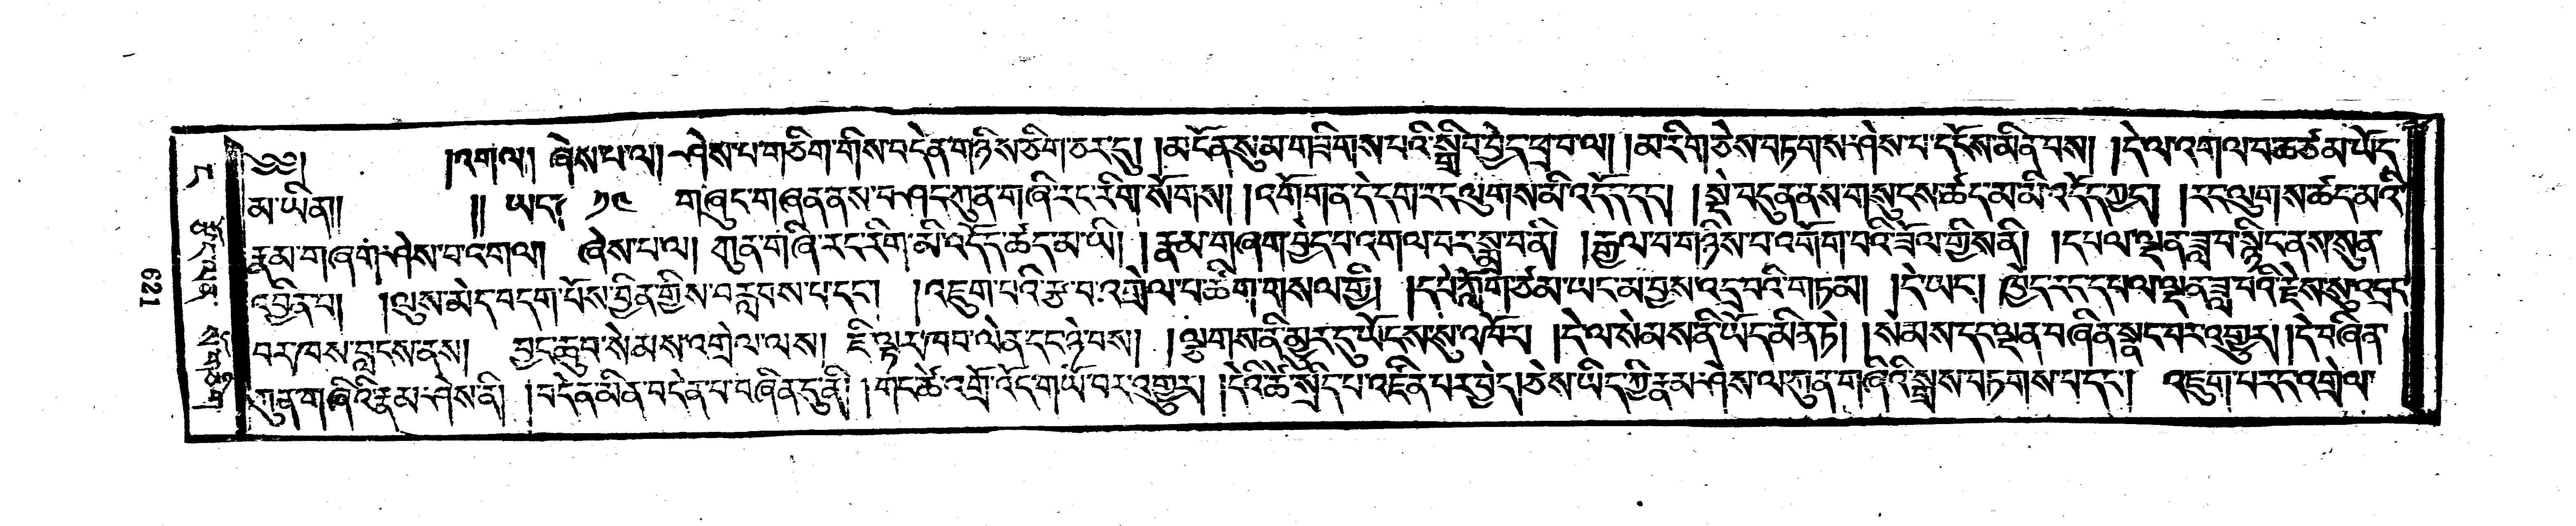༄༅། །འགལ། ཞེས་པ་ལ། ཤེས་པ་གཅིག་གིས་བདེན་གཉིས་ཅིག་ཅར་དུ། །མངོན་སུམ་གཟིགས་པའི་སྒྲིབ་བྱེད་ཕྲ་བ་ལ། །མ་རིག་ཅེས་བཏགས་ཤེས་པ་དངོས་མིན་པས། །དེ་ལ་འགལ་བ་ཆ་ཙམ་ཡོད་
མ་ཡིན།། །།ཡང༑ ༡༤་གཞུང་གཞན་ནས་བཤད་ཀུན་གཞི་རང་རིག་སོགས། །འགོག་ན་དེ་དག་རང་ལུགས་མི་འདོད་དང་། །སྡེ་བདུན་ནས་གསུངས་ཚད་མ་མི་འདོད་ཀྱང་། །རང་ལུགས་ཚད་མའི་
རྣམ་གཞག་ཤེས་པ་འགལ། ཞེས་པ་ལ། ཀུན་གཞི་རང་རིག་མི་འདོད་ཚད་མ་ཡི། །རྣམ་གཞག་བྱེད་པ་འགལ་བར་སྨྲ་བ་ནི། །རྒྱལ་བ་གཉིས་པ་འགོག་པའི་ཟོལ་གྱིས་ནི། །དཔལ་ལྡན་ཟླ་བ་སྙིང་ནས་སུན་
འབྱིན་པ། །ལུས་མེད་བདག་པོས་བྱིན་གྱིས་བརླབས་པ་དང་། །འཇུག་པའི་རྩ་བ་འགྲེལ་པ་ཚིག་གསལ་གྱི། །དཔེ་ཀློག་ཙམ་ཡང་མ་བྱས་འདྲ་བའི་གཏམ། །དེ་ཡང་། ཁྱེད་རང་དཔལ་ལྡན་ཟླ་བའི་རྗེས་སུ་འབྲང་
བར་ཁས་བླངས་ནས། བྱང་ཆུབ་སེམས་འགྲེལ་ལས། ཇི་ལྟར་ཁབ་ལེན་དང་ཉེ་བས། །ལྕགས་ནི་མྱུར་དུ་ཡོངས་སུ་འཁོར། །དེ་ལ་སེམས་ནི་ཡོད་མིན་ཏེ། །སེམས་དང་ལྡན་བཞིན་སྣང་བར་འགྱུར། །དེ་བཞིན་
ཀུན་གཞིའི་རྣམ་ཤེས་ནི། །བདེན་མིན་བདེན་པ་བཞིན་དུ་ནི། །གང་ཚེ་འགྲོ་འོང་གཡོ་བར་འགྱུར། །དེའི་ཚེ་སྲིད་པ་འཛིན་པར་བྱེད། ཅེས་ཡིད་ཀྱི་རྣམ་ཤེས་ལ་ཀུན་གཞིའི་སྒྲས་བཏགས་པ་དང་། འཇུག་པ་རང་འགྲེལ་